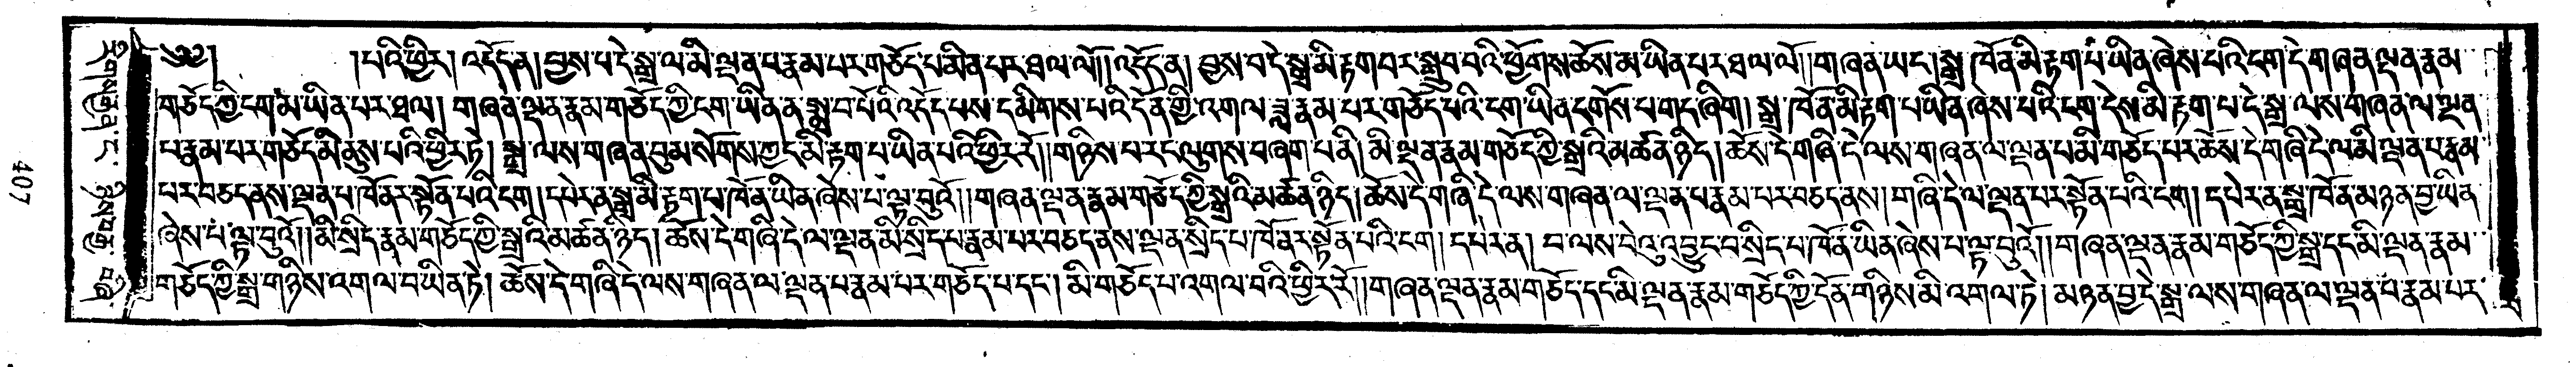༄༅། །པའི་ཕྱིར། འདོད་ན། བྱས་པ་དེ་སྒྲ་ལ་མི་ལྡན་པ་རྣམ་པར་གཅོད་པ་མིན་པར་ཐལ་ལོ། །འདོད་ན། བྱས་པ་དེ་སྒྲ་མི་རྟག་པར་སྒྲུབ་པའི་ཕྱོགས་ཆོས་མ་ཡིན་པར་ཐལ་ལོ། །གཞན་ཡང་། སྒྲ་ཁོ་ན་མི་རྟག་པ་ཡིན་ཞེས་པའི་ངག་དེ་གཞན་ལྡན་རྣམ་
གཅོད་ཀྱི་ངག་མ་ཡིན་པར་ཐལ། གཞན་ལྡན་རྣམ་གཅོད་ཀྱི་ངག་ཡིན་ན་སྨྲ་བ་པོའི་འདོད་པས་དམིགས་པའི་དོན་གྱི་འགལ་ཟླ་རྣམ་པར་གཅོད་པའི་ངག་ཡིན་དགོས་པ་གང་ཞིག །སྒྲ་ཁོ་ན་མི་རྟག་པ་ཡིན་ཞེས་པའི་ངག་དེས་མི་རྟག་པ་དེ་སྒྲ་ལས་གཞན་ལ་ལྡན་
པ་རྣམ་པར་གཅོད་མི་ནུས་པའི་ཕྱིར་ཏེ། སྒྲ་ལས་གཞན་བུམ་སོགས་ཀྱང་མི་རྟག་པ་ཡིན་པའི་ཕྱིར་རོ། །གཉིས་པ་རང་ལུགས་བཞག་པ་ནི། མི་ལྡན་རྣམ་གཅོད་ཀྱི་སྒྲའི་མཚན་ཉིད། ཆོས་དེ་གཞི་དེ་ལས་གཞན་ལ་ལྡན་པ་མི་གཅོད་པར་ཆོས་དེ་གཞི་དེ་ལ་མི་ལྡན་པ་རྣམ་
པར་བཅད་ནས་ལྡན་པ་ཁོ་ནར་སྟོན་པའི་ངག །དཔེར་ན་སྒྲ་མི་རྟག་པ་ཁོ་ན་ཡིན་ཞེས་པ་ལྟ་བུའོ། །གཞན་ལྡན་རྣམ་གཅོད་ཀྱི་སྒྲའི་མཚན་ཉིད། ཆོས་དེ་གཞི་དེ་ལས་གཞན་ལ་ལྡན་པ་རྣམ་པར་བཅད་ནས། གཞི་དེ་ལ་ལྡན་པར་སྟོན་པའི་ངག །དཔེར་ན་སྒྲ་ཁོ་ན་མཉན་བྱ་ཡིན་
ཞེས་པ་ལྟ་བུའོ། །མི་སྲིད་རྣམ་གཅོད་ཀྱི་སྒྲའི་མཚན་ཉིད། ཆོས་དེ་གཞི་དེ་ལ་ལྡན་མི་སྲིད་པ་རྣམ་པར་བཅད་ནས་ལྡན་སྲིད་པ་ཁོ་ནར་སྟོན་པའི་ངག །དཔེར་ན། བ་ལས་བེའུ་འབྱུང་བ་སྲིད་པ་ཁོ་ན་ཡིན་ཞེས་པ་ལྟ་བུའོ། །གཞན་ལྡན་རྣམ་གཅོད་ཀྱི་སྒྲ་དང་མི་ལྡན་རྣམ་
གཅོད་ཀྱི་སྒྲ་གཉིས་འགལ་བ་ཡིན་ཏེ། ཆོས་དེ་གཞི་དེ་ལས་གཞན་ལ་ལྡན་པ་རྣམ་པར་གཅོད་པ་དང་། མི་གཅོད་པ་འགལ་བའི་ཕྱིར་རོ། །གཞན་ལྡན་རྣམ་གཅོད་དང་མི་ལྡན་རྣམ་གཅོད་ཀྱི་དོན་གཉིས་མི་འགལ་ཏེ། མཉན་བྱ་དེ་སྒྲ་ལས་གཞན་ལ་ལྡན་པ་རྣམ་པར་